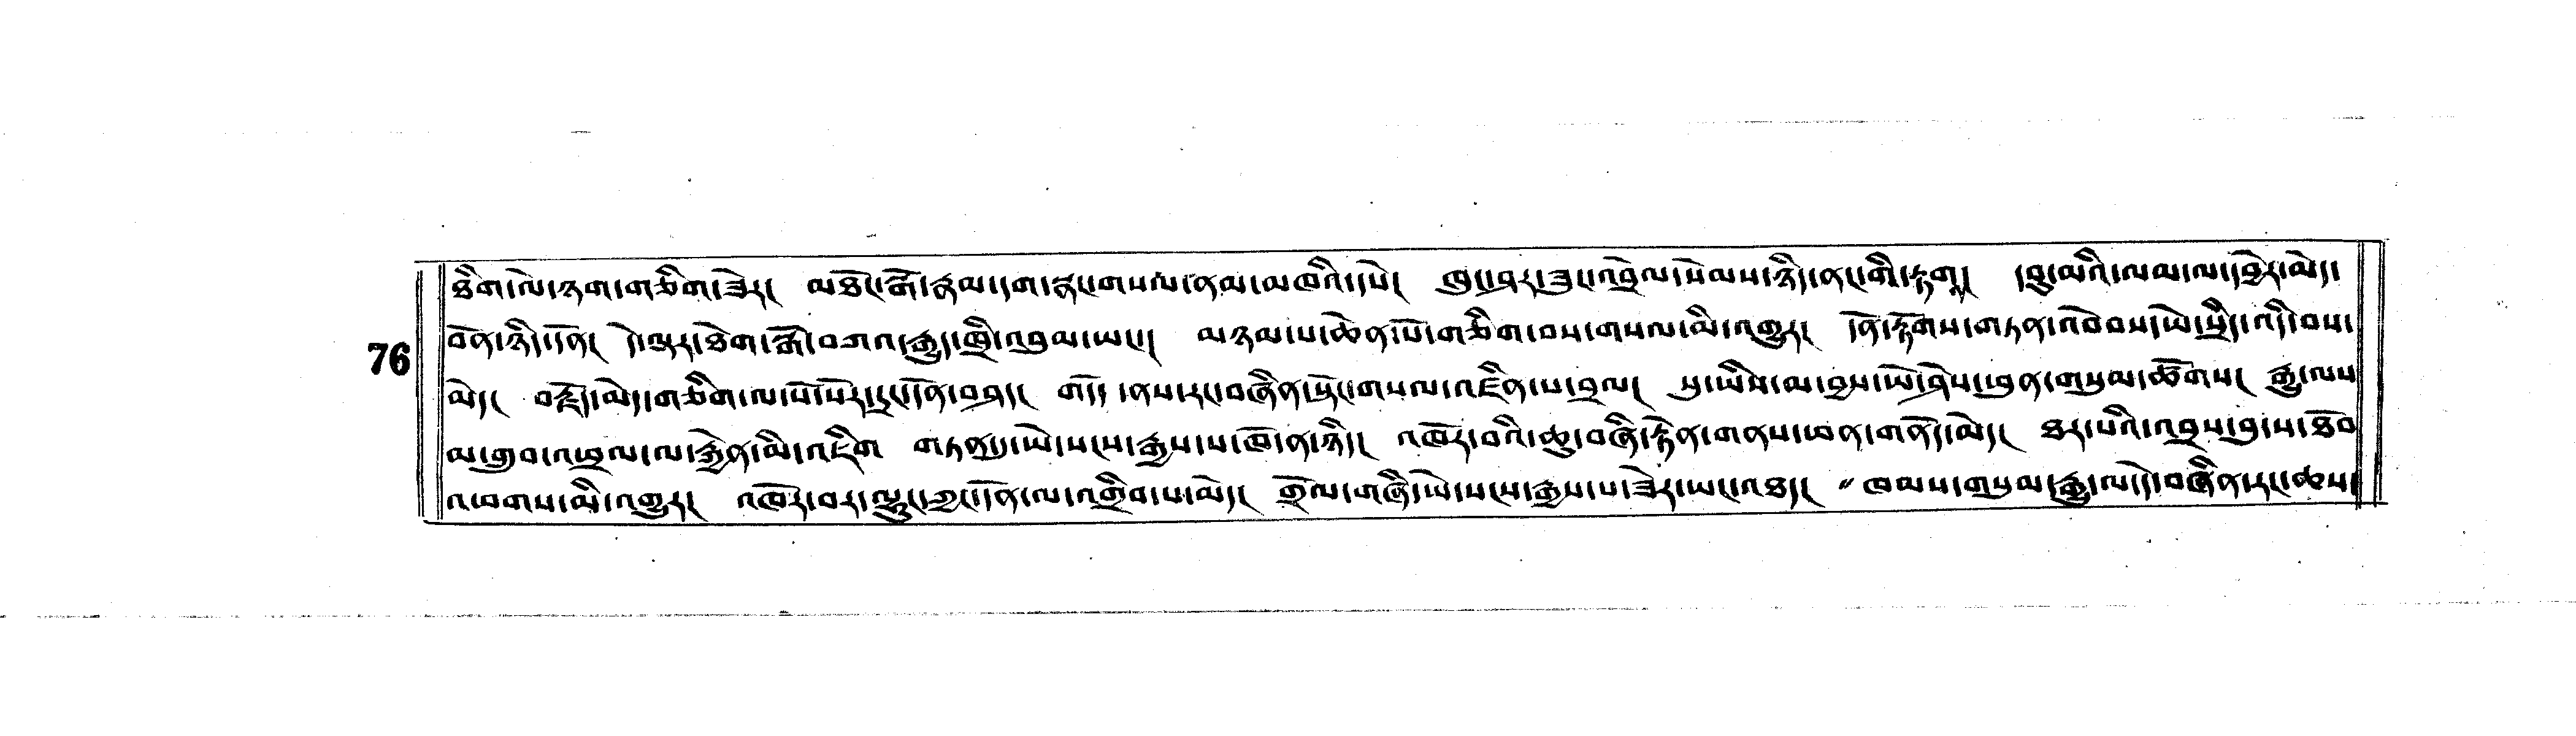ཐིག་ལེ་ཉག་ཅིག་ཟེར། མཐོང་སྒོ་རྣམ་དག་སྣང་གསལ་ནམ་མཁའི་དཔེ། ཁུང་ཤར་ཟུང་འབྲེལ་སེམས་ཉིད་ནང་གི་རྟགས། དབུ་མའི་ལམ་ལ་དབྱེར་མེད་
བོན་ཉིད་དོན། དེ་ལྟར་ཐེག་སྒོ་བཀའ་བརྒྱུད་ཁྲི་འབུམ་ཡང་། མཉམ་པ་ཆེན་པོ་གཅིག་བས་གསལ་མི་འགྱུར། དོན་རྟོགས་གཏན་འབེབས་ཡེ་སྲིད་འདི་བས་
མེད། བརྗོད་མེད་གཅིག་ལ་སོ་སོར་དྲང་དོན་བཤད། གདོད་ནས་རང་བཞིན་སྟོང་གསལ་འཛིན་པ་བྲལ། སུ་ཡིས་མ་བྱས་ཡེ་ཤེས་ཕུན་སུམ་ཚོགས། རྒྱུ་ལས་
མ་གྲུབ་འཕྲལ་ལ་རྐྱེན་མི་འཇིག གཏན་དུ་ཡེ་སངས་རྒྱས་པ་ཁོ་ན་ཉིད། འཁོར་བའི་ཆུ་བཞི་རྟེན་གནས་ཕན་གནོད་མེད། ཐར་པའི་འབྲས་བུ་ས་ཐོབ་
འཕགས་མི་འགྱུར། འཁོར་བར་ལྷུང་ཀྱང་དོན་ལ་འགྲིབ་པ་མེད། གྲོལ་གཞི་ཡེ་སངས་རྒྱས་པ་ཟེར་ཡང་འཐད། ༧ ཁམས་གསུམ་རྒྱུ་ལ་དེ་བཞིན་རང་ཆས་